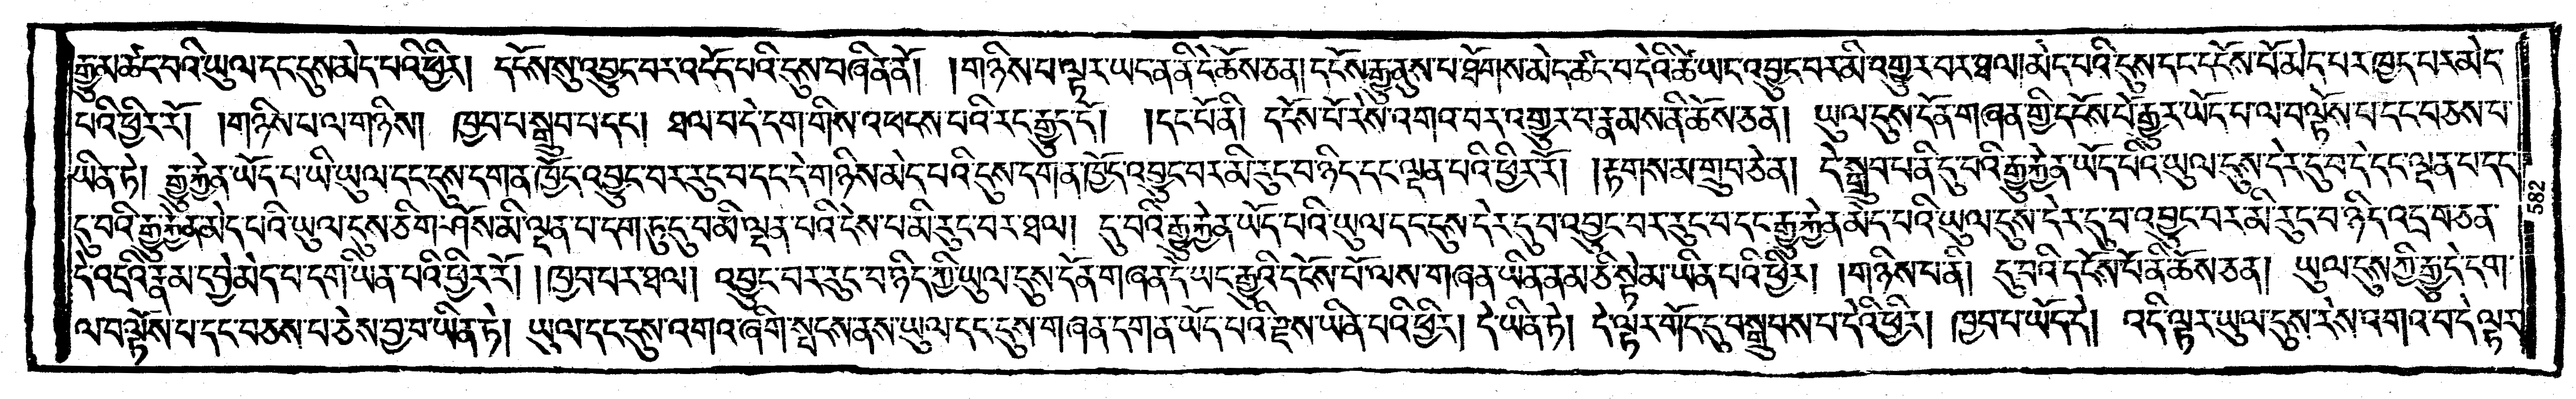རྒྱུ་མ་ཚང་བའི་ཡུལ་དང་དུས་མེད་པའི་ཕྱིར། དངོས་སུ་འབྱུང་བར་འདོད་པའི་དུས་བཞིན་ནོ། །གཉིས་པ་ལྟར་ཡང་ན་ནི་དེ་ཆོས་ཅན། དངོས་རྒྱུ་ནུས་པ་ཐོགས་མེད་ཚང་བ་དེའི་ཚེ་ཡང་འབྱུང་བར་མི་འགྱུར་བར་ཐལ། མེད་པའི་དུས་དང་དངོས་པོ་མེད་པར་ཁྱད་པར་མེད་
པའི་ཕྱིར་རོ། །གཉིས་པ་ལ་གཉིས། ཁྱབ་པ་སྒྲུབ་པ་དང་། ཐལ་བ་དེ་དག་གིས་འཕངས་པའི་རང་རྒྱུད་དོ། །དང་པོ་ནི། དངོས་པོ་རེས་འགའ་བར་འགྱུར་བ་རྣམས་ནི་ཆོས་ཅན། ཡུལ་དུས་དོན་གཞན་གྱི་དངོས་པོ་རྒྱུར་ཡོད་པ་ལ་བལྟོས་པ་དང་བཅས་པ་
ཡིན་ཏེ། རྒྱུ་རྐྱེན་ཡོད་པ་ཡི་ཡུལ་དང་དུས་དག་ན་ཁྱོད་འབྱུང་བར་རུང་བ་དང་དེ་གཉིས་མེད་པའི་དུས་དག་ན་ཁྱོད་འབྱུང་བར་མི་རུང་བ་ཉིད་དང་ལྡན་པའི་ཕྱིར་རོ། །རྟགས་མ་གྲུབ་ཅེ་ན། དེ་སྒྲུབ་པ་ནི་དུ་བའི་རྒྱུ་རྐྱེན་ཡོད་པའི་ཡུལ་དུས་དེར་དུ་བ་དེ་དང་ལྡན་པ་དང་
དུ་བའི་རྒྱུ་རྐྱེན་མེད་པའི་ཡུལ་དུས་ཅིག་ཤོས་མི་ལྡན་པ་དག་ཏུ་དུ་བ་མི་ལྡན་པའི་དེས་པ་མི་རུང་བར་ཐལ། དུ་བའི་རྒྱུ་རྐྱེན་ཡོད་པའི་ཡུལ་དང་དུས་དེར་དུ་བ་འབྱུང་བར་རུང་བ་དང་རྒྱུ་རྐྱེན་མེད་པའི་ཡུལ་དུས་དེར་དུ་བ་འབྱུང་བར་མི་རུང་བ་ཉིད་འདྲ་བ་ཅན་
དེ་འདྲའི་རྣམ་དབྱེ་མེད་པ་དག་ཡིན་པའི་ཕྱིར་རོ། །ཁྱབ་པར་ཐལ། འབྱུང་བར་རུང་བ་ཉིད་ཀྱི་ཡུལ་དུས་དོན་གཞན་དེ་ཡང་རྒྱུའི་དངོས་པོ་ལས་གཞན་ཡིན་ནམ་ཅི་སྟེ་མ་ཡིན་པའི་ཕྱིར། །གཉིས་པ་ནི། དུ་བའི་དངོས་པོ་ནི་ཆོས་ཅན། ཡུལ་དུས་ཀྱི་རྒྱུ་དེ་དག་
ལ་བལྟོས་པ་དང་བཅས་པ་ཅེས་བྱ་བ་ཡིན་ཏེ། ཡུལ་དང་དུས་འགའ་ཞིག་སྤངས་ནས་ཡུལ་དང་དུས་གཞན་དག་ན་ཡོད་པའི་རྫས་ཡིན་པའི་ཕྱིར། དེ་ཡིན་ཏེ། དེ་ལྟར་གོང་དུ་བསྒྲུབས་པ་དེའི་ཕྱིར། ཁྱབ་པ་ཡོད་དེ། འདི་ལྟར་ཡུལ་དུས་རེས་འགའ་བ་དེ་ལྟར་